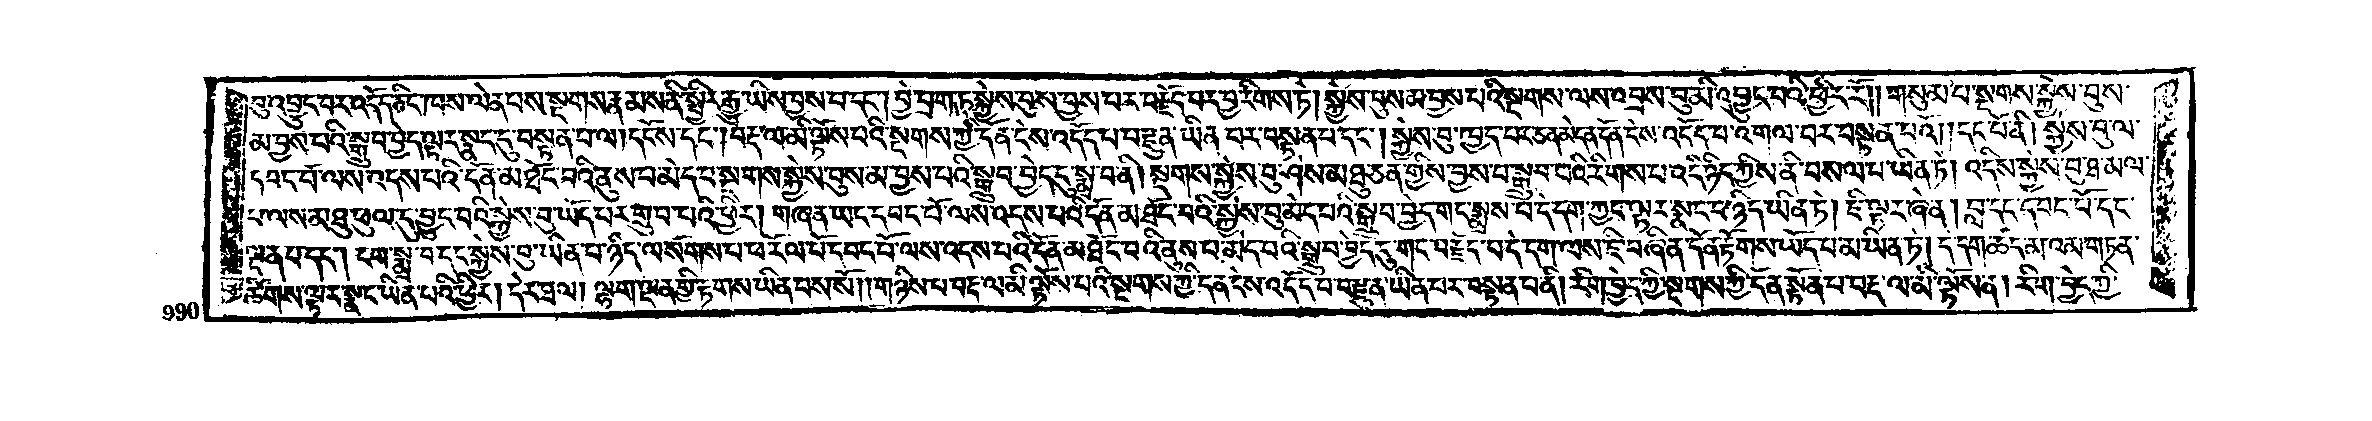བུ་འབྱུང་བར་འདོད་ཅིང་ཁས་ལེན་པས་སྔགས་རྣམས་ནི་སྤྱིར་རྒྱུ་ཡིས་བྱས་པ་དང་། བྱེ་བྲག་ཏུ་སྐྱེས་བུས་བྱས་པར་བརྗོད་པར་བྱ་རིགས་ཏེ། སྐྱེས་བུས་མ་བྱས་པའི་སྔགས་ལས་འབྲས་བུ་མི་འབྱུང་བའི་ཕྱིར་རོ། །གསུམ་པ་སྔགས་སྐྱེས་བུས་
མ་བྱས་པའི་སྒྲུབ་བྱེད་ལྟར་སྣང་དུ་བསྟན་པ་ལ། དངོས་དང་། བརྡ་ལ་མི་ལྟོས་པའི་སྔགས་ཀྱི་དོན་ངེས་འདོད་པ་བརྫུན་ཡིན་པར་བསྟན་པ་དང་། སྐྱེས་བུ་ཁྱད་པར་ཅན་མེད་ན་དོན་ངེས་འདོད་པ་འགལ་བར་བསྟན་པའོ། །དང་པོ་ནི། སྐྱེས་བུ་ལ་དབང་པོ་ལས་འདས་པའི་དོན་མཐོང་བའི་ནུས་པ་མེད་པ་སྔགས་སྐྱེས་བུས་མ་བྱས་པའི་སྒྲུབ་བྱེད་དུ་སྨྲ་བ་ནི། སྔགས་སྐྱེས་བུ་ཤེས་མཐུ་ཅན་གྱིས་བྱས་པ་སྒྲུབ་པའི་རིགས་པ་འདི་ཉིད་ཀྱིས་ནི་བསལ་བ་ཡིན་ཏེ། འདིས་སྐྱེས་བུ་ཐ་མལ་
པ་ལས་མཐུ་ཕུལ་དུ་བྱུང་བའི་སྐྱེས་བུ་ཡོད་པར་གྲུབ་པའི་ཕྱིར། གཞན་ཡང་དབང་པོ་ལས་འདས་པའི་དོན་མཐོང་བའི་སྐྱེས་བུ་མེད་པའི་སྒྲུབ་བྱེད་གང་སྨྲས་པ་དེ་དག་ཀྱང་ལྟར་སྣང་བ་ཉིད་ཡིན་ཏེ། ཇི་ལྟར་ཞེ་ན། བླ་དང་དབང་པོ་དང་
ལྡན་པ་དང་། ངག་སྨྲ་བ་དང་སྐྱེས་བུ་ཡིན་པ་ཉིད་ལ་སོགས་པ་ཕ་རོལ་པོ་དབང་པོ་ལས་འདས་པའི་དོན་མཐོང་བའི་ནུས་པ་མེད་པའི་སྒྲུབ་བྱེད་དུ་གང་བརྗོད་པ་དེ་དག་ལས་ཇི་བཞིན་དོན་རྟོགས་ཡོད་པ་མ་ཡིན་ཏེ། དེ་དག་ཚད་མའམ་གཏན་
ཚིགས་ལྟར་སྣང་ཡིན་པའི་ཕྱིར། དེར་ཐལ། ལྷག་ལྡན་གྱི་རྟགས་ཡིན་པས་སོ། །གཉིས་པ་བརྡ་ལ་མི་ལྟོས་པའི་སྔགས་ཀྱི་དོན་ངེས་འདོད་པ་བརྫུན་ཡིན་པར་བསྟན་པ་ནི། རིག་བྱེད་ཀྱི་སྔགས་ཀྱི་དོན་སྟོན་པ་བརྡ་ལ་མི་ལྟོས་ན། རིག་བྱེད་ཀྱི་